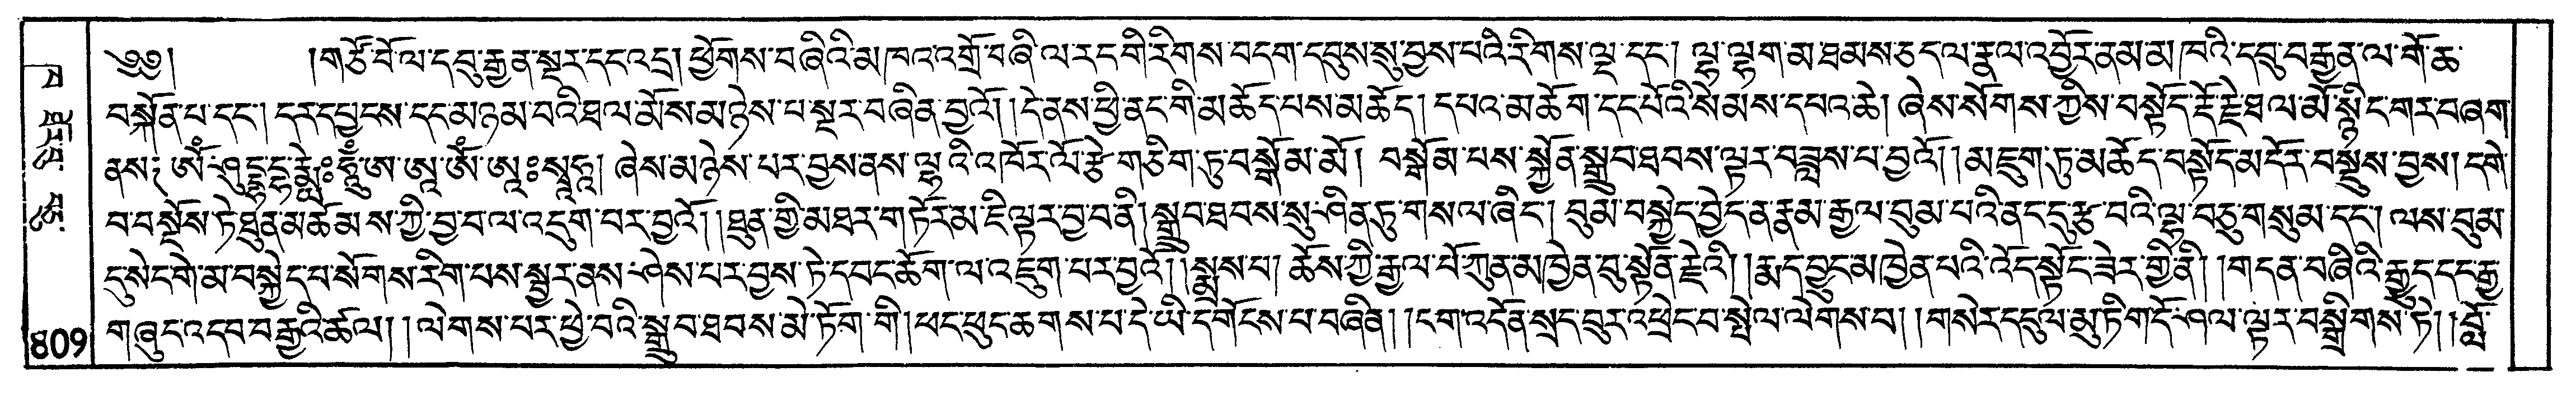༄༅། །གཙོ་བོ་ལ་དབུ་རྒྱན་སྔར་དང་འདྲ། ཕྱོགས་བཞིའི་མཁའ་འགྲོ་བཞི་ལ་རང་གི་རིགས་བདག་དབུས་སུ་བྱས་པའི་རིགས་ལྔ་དང་། ལྷ་ལྷག་མ་ཐམས་ཅད་ལ་རྣལ་འབྱོར་ནམ་མཁའི་དབུ་བརྒྱན་ལ་གོ་ཆ་
བསྐོན་པ་དང་། དར་དཔྱངས་དང་མཉམ་པའི་ཐལ་མོས་མཉེས་པ་སྔར་བཞིན་བྱའོ། །དེ་ནས་ཕྱི་ནང་གི་མཆོད་པས་མཆོད། དཔའ་མཆོག་དང་པོའི་སེམས་དཔའ་ཆེ། ཞེས་སོགས་ཀྱིས་བསྟོད་རྡོ་རྗེ་ཐལ་མོ་སྙིང་གར་བཞག་
ནས༑ ཨོཾ་ཤུདྡྷ་དྷ་རྨྱེཿ ཧཱུཾ་ཨ་ཨཱ་ཨོཾ་ཨཱཿ སྭཱཧཱ། ཞེས་མཉེས་པར་བྱས་ནས་ལྷའི་འཁོར་ལོ་རྩེ་གཅིག་ཏུ་བསྒོམ་མོ། བསྒོམ་པས་སྐྱོན་སྒྲུབ་ཐབས་ལྟར་བཟླས་པ་བྱའོ། །མཇུག་ཏུ་མཆོད་བསྟོད་མདོར་བསྡུས་བྱས། དགེ་
བ་བསྔོས་ཏེ་ཐུན་མཚམས་ཀྱི་བྱ་བ་ལ་འདུག་པར་བྱའོ། །ཐུན་གྱི་མཐར་གཏོར་མ་ཇི་ལྟར་བྱ་བ་ནི། སྒྲུབ་ཐབས་སུ་ཤིན་ཏུ་གསལ་ཞིང་། བུམ་བསྐྱེད་བྱེད་ན་རྣམ་རྒྱལ་བུམ་པའི་ནང་དུ་རྩ་བའི་ལྷ་བཅུ་གསུམ་དང་། ལས་བུམ་
དུ་སེང་གེ་མ་བསྐྱེད་པ་སོགས་རིག་པས་སྦྱར་ནས་ཤེས་པར་བྱས་ཏེ་དབང་ཆོག་ལ་འཇུག་པར་བྱའོ། །སྨྲས་པ། ཆོས་ཀྱི་རྒྱལ་པོ་ཀུན་མཁྱེན་བུ་སྟོན་རྗེའི། །རྨད་བྱུང་མཁྱེན་པའི་འོད་སྟོང་ཟེར་གྱི་ནི། །གདན་བཞིའི་རྒྱུད་དང་རྒྱ་
གཞུང་འདབ་བརྒྱའི་ཚལ། །ལེགས་པར་ཕྱེ་བའི་སྒྲུབ་ཐབས་མེ་ཏོག་གི །ཕང་ཕུང་ཆགས་པ་དེ་ཡི་དགོངས་པ་བཞིན། །ངག་འདོན་སྲད་བུར་འཕྲེང་བ་སྤེལ་ལེགས་པ། །གསེར་དངུལ་མུ་ཏིག་དོ་ཤལ་ལྟར་བསྒྲིགས་ཏེ། །བློ་